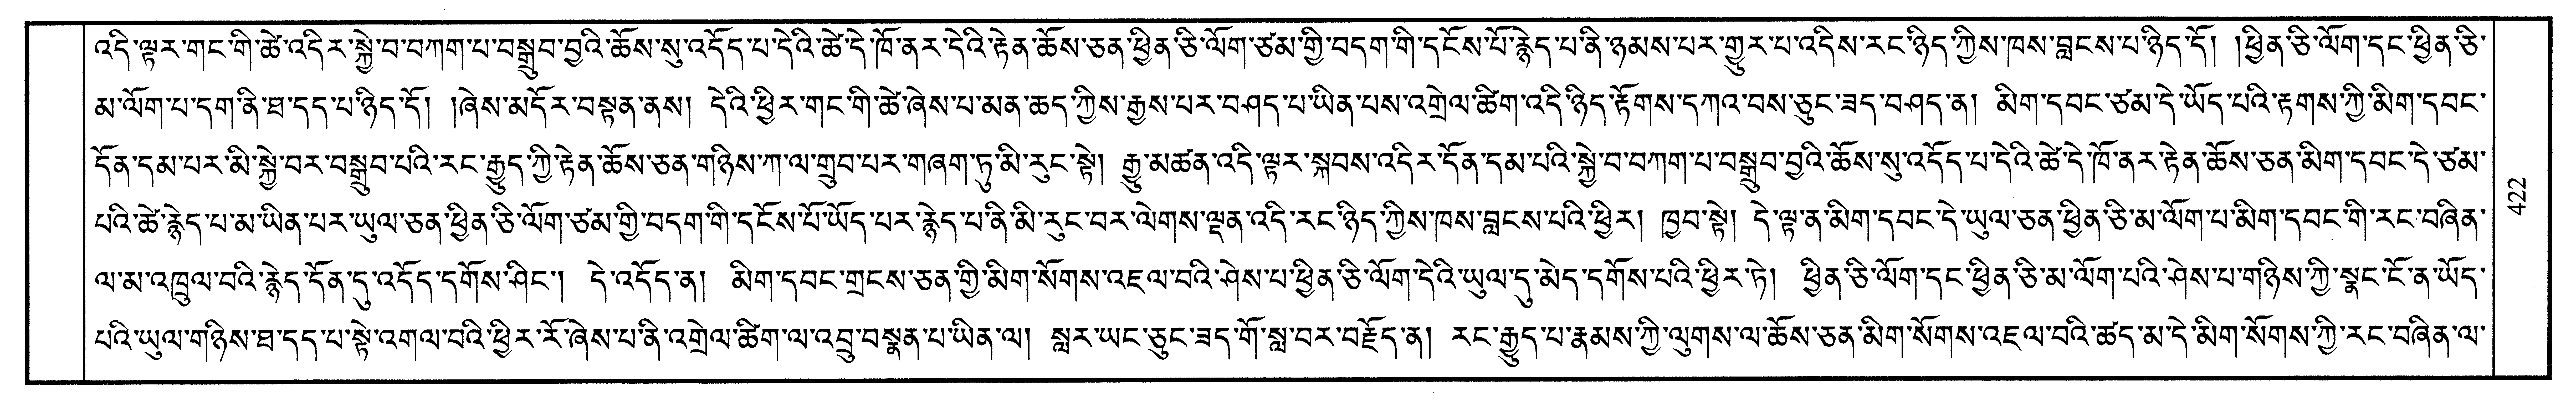འདི་ལྟར་གང་གི་ཚེ་འདིར་སྐྱེ་བ་བཀག་པ་བསྒྲུབ་བྱའི་ཆོས་སུ་འདོད་པ་དེའི་ཚེ་དེ་ཁོ་ནར་དེའི་རྟེན་ཆོས་ཅན་ཕྱིན་ཅི་ལོག་ཙམ་གྱི་བདག་གི་དངོས་པོ་རྙེད་པ་ནི་ཉམས་པར་གྱུར་པ་འདིས་རང་ཉིད་ཀྱིས་ཁས་བླངས་པ་ཉིད་དོ། །ཕྱིན་ཅི་ལོག་དང་ཕྱིན་ཅི་
མ་ལོག་པ་དག་ནི་ཐ་དད་པ་ཉིད་དོ། །ཞེས་མདོར་བསྟན་ནས། དེའི་ཕྱིར་གང་གི་ཚེ་ཞེས་པ་མན་ཆད་ཀྱིས་རྒྱས་པར་བཤད་པ་ཡིན་པས་འགྲེལ་ཚིག་འདི་ཉིད་རྟོགས་དཀའ་བས་ཅུང་ཟད་བཤད་ན། མིག་དབང་ཙམ་དེ་ཡོད་པའི་རྟགས་ཀྱི་མིག་དབང་
དོན་དམ་པར་མི་སྐྱེ་བར་བསྒྲུབ་པའི་རང་རྒྱུད་ཀྱི་རྟེན་ཆོས་ཅན་གཉིས་ཀ་ལ་གྲུབ་པར་གཞག་ཏུ་མི་རུང་སྟེ། རྒྱུ་མཚན་འདི་ལྟར་སྐབས་འདིར་དོན་དམ་པའི་སྐྱེ་བ་བཀག་པ་བསྒྲུབ་བྱའི་ཆོས་སུ་འདོད་པ་དེའི་ཚེ་དེ་ཁོ་ནར་རྟེན་ཆོས་ཅན་མིག་དབང་དེ་ཙམ་
པའི་ཚེ་རྙེད་པ་མ་ཡིན་པར་ཡུལ་ཅན་ཕྱིན་ཅི་ལོག་ཙམ་གྱི་བདག་གི་དངོས་པོ་ཡོད་པར་རྙེད་པ་ནི་མི་རུང་བར་ལེགས་ལྡན་འདི་རང་ཉིད་ཀྱིས་ཁས་བླངས་པའི་ཕྱིར། ཁྱབ་སྟེ། དེ་ལྟ་ན་མིག་དབང་དེ་ཡུལ་ཅན་ཕྱིན་ཅི་མ་ལོག་པ་མིག་དབང་གི་རང་བཞིན་
ལ་མ་འཁྲུལ་བའི་རྙེད་དོན་དུ་འདོད་དགོས་ཤིང་། དེ་འདོད་ན། མིག་དབང་གྲངས་ཅན་གྱི་མིག་སོགས་འཇལ་བའི་ཤེས་པ་ཕྱིན་ཅི་ལོག་དེའི་ཡུལ་དུ་མེད་དགོས་པའི་ཕྱིར་ཏེ། ཕྱིན་ཅི་ལོག་དང་ཕྱིན་ཅི་མ་ལོག་པའི་ཤེས་པ་གཉིས་ཀྱི་སྣང་ངོ་ན་ཡོད་
པའི་ཡུལ་གཉིས་ཐ་དད་པ་སྟེ་འགལ་བའི་ཕྱིར་རོ་ཞེས་པ་ནི་འགྲེལ་ཚིག་ལ་འབྲུ་བསྣན་པ་ཡིན་ལ། སླར་ཡང་ཅུང་ཟད་གོ་སླ་བར་བརྗོད་ན། རང་རྒྱུད་པ་རྣམས་ཀྱི་ལུགས་ལ་ཆོས་ཅན་མིག་སོགས་འཇལ་བའི་ཚད་མ་དེ་མིག་སོགས་ཀྱི་རང་བཞིན་ལ་